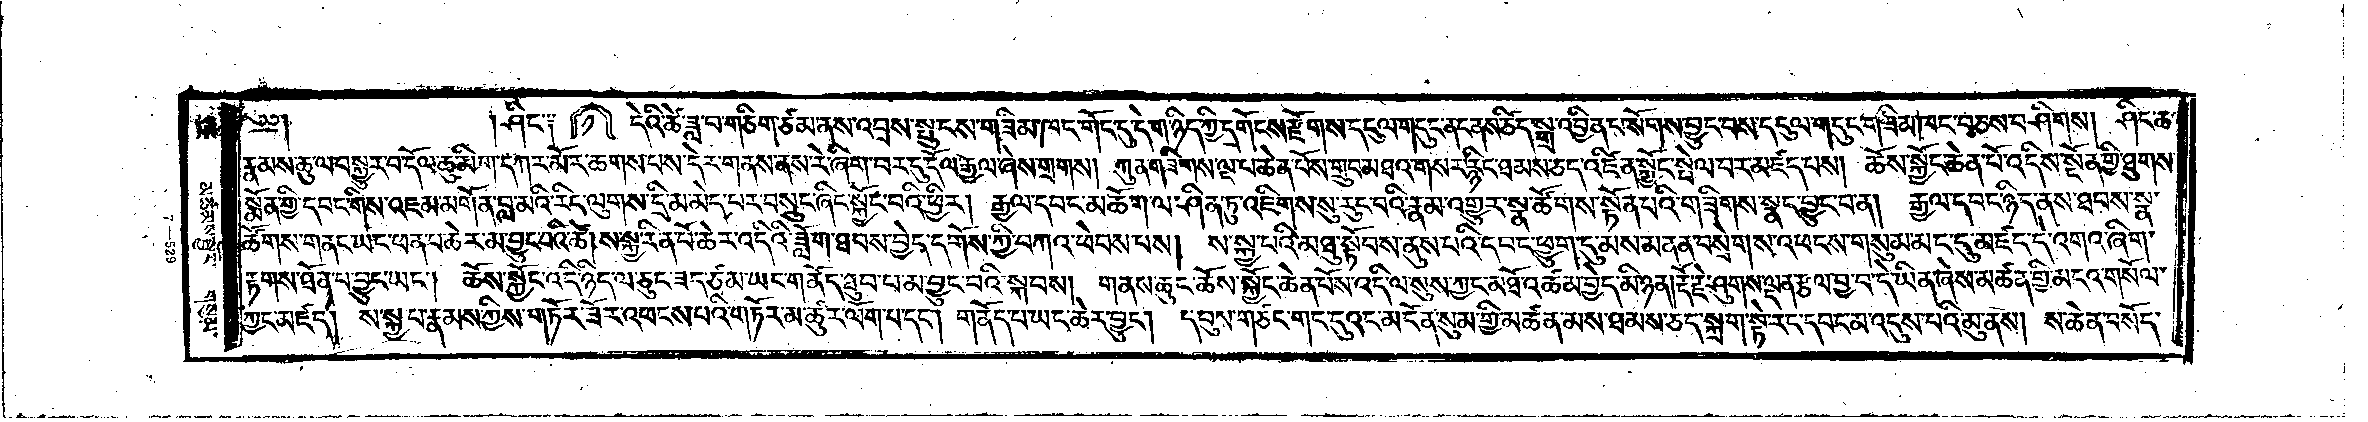༄༅། །ཤིང༑ ༼༡༽ དེའི་ཚེ་ཟླ་བ་གཅིག་ཙམ་ནས་འབྲས་སྤུངས་གཟིམ་ཁང་གོང་དུ་དེ་ག་ཉིད་ཀྱི་དགོངས་རྫོགས་དངུལ་གདུང་ནང་ནས་ཙིད་སྒྲ་འབྱིན་པ་སོགས་བྱུང་བས་དངུལ་གདུང་གཟིམ་ཁང་བཅས་བཤིགས། ཤིང་ཆ་
རྣམས་ཆུ་ལ་བསྐྱུར་བ་དོལ་ཆུ་མིག་དཀར་མོར་ཆགས་པས་དེར་གནས་ནས་རེ་ཞིག་པར་དུ་དོལ་རྒྱལ་ཞེས་གྲགས། ཀུན་གཟིགས་ལྔ་པ་ཆེན་པོས་གྲུབ་མཐའ་གསར་རྙིང་ཐམས་ཅད་འཛིན་སྐྱོང་སྤེལ་བར་མཛད་པས། ཆོས་སྐྱོང་ཆེན་པོ་འདིས་སྔོན་གྱི་ཐུགས་
སྨོན་གྱི་དབང་གིས་འཇམ་མགོན་བླ་མའི་རིང་ལུགས་དྲི་མ་མེད་པར་བསྲུང་ཞིང་སྐྱོང་བའི་ཕྱིར། རྒྱལ་དབང་མཆོག་ལ་ཤིན་ཏུ་འཇིགས་སུ་རུང་བའི་རྣམ་འགྱུར་སྣ་ཚོགས་སྟོན་པའི་གཟིགས་སྣང་བྱུང་བ་ན། རྒྱལ་དབང་ཉིད་ནས་ཐབས་སྣ་
ཚོགས་གནང་ཡང་ཕན་པ་ཆེར་མ་བྱུང་བའི་ཚེ། ས་སྐྱ་རིན་པོ་ཆེར་འདིའི་ཟློག་ཐབས་བྱེད་དགོས་ཀྱི་བཀའ་ཕེབས་པས། ས་སྐྱ་པའི་མཐུ་སྟོབས་ནུས་པའི་དབང་ཕྱུག་དུ་མས་མནན་བསྲེགས་འཕངས་གསུམ་མང་དུ་མཛད་དེ་འགའ་ཞིག་
རྟགས་ཐོན་པ་བྱུང་ཡང་། ཆོས་སྐྱོང་འདི་ཉིད་ལ་ཅུང་ཟད་ཙམ་ཡང་གནོད་ཐུབ་པ་མ་བྱུང་བའི་སྐབས། གནས་ཆུང་ཆོས་སྐྱོང་ཆེན་པོས་འདི་ལ་སུས་ཀྱང་མཐོ་འཚམ་བྱེད་མི་ཉན། རྡོ་རྗེ་ཤུགས་ལྡན་རྩལ་བྱ་བ་དེ་ཡིན་ཞེས་མཚན་གྱི་མངའ་གསོལ་
ཀྱང་མཛད། ས་སྐྱ་པ་རྣམས་ཀྱིས་གཏོར་ཟོར་འཕངས་བའི་གཏོར་མ་ཚུར་ལོག་པ་དང་། གནོད་པ་ཡང་ཆེར་བྱུང་། དབུས་གཙང་གང་དུའང་མངོན་སུམ་གྱི་མཚན་མས་ཐམས་ཅད་སྐྲག་སྟེ་རང་དབང་མ་འདུས་པའི་མུ་ནས། ས་ཆེན་བསོད་